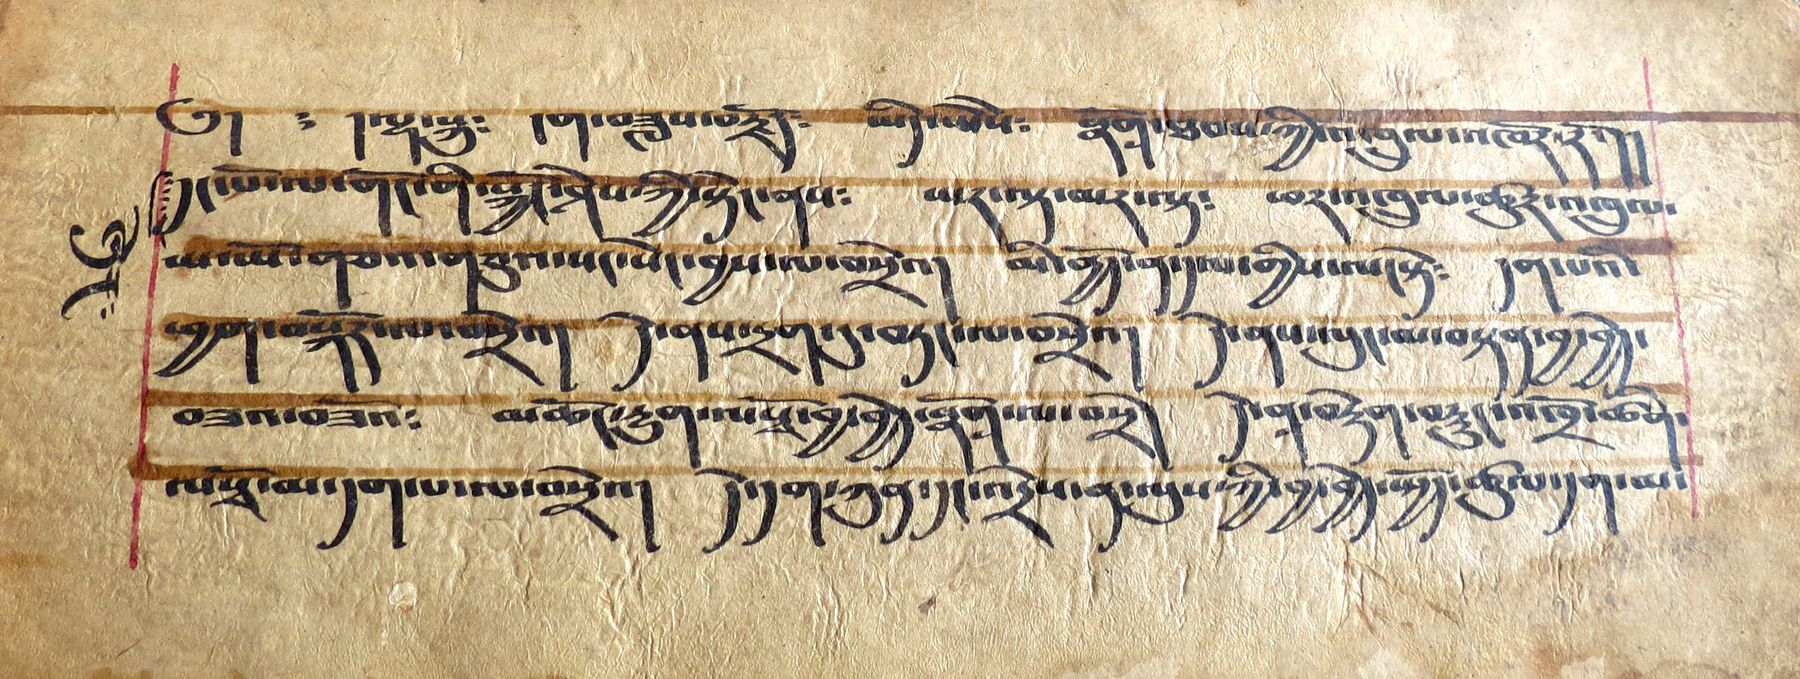ལྷ་སྐུ། ངག་བཟླས་བརྗོད། ཡིད་ཡེ་ཤེས། སྣ་ཚོགས་ཐབས ཀྱི་འཁྲུལ་འཁོར་རོ། 
དང་པོ་ལ་གོང་གི་སྐྱོང་ཤེས་ཀྱི་སྟེང་ནས་ཡར་ལྟ་མར་ལྟ། ཕར་འཁྲུལ་ཚུར་འཁྲུལ། 
ཡ་ཡོ་གཅའ་གཅུས་སང་སིང་བྱས་ལ་བསྲེ། མི་གནོད་ན་དལ་གྱིས་ལངས་ཏེ་དག་པའི་
ཕྱག་སྐོར་བ་ལ་བསྲེ། དེ་ནས་དྲག་ཏུ་བཏང་ལ་བསྲེ། དེ་ནས་ལུང་མ་བསྟན་བྱ་བྱེད་
བཟའ་བཟོ་མཆོང་རྒྱུག་ལ་སོགས་བྱ་བྱེད་སྣ་ཚོགས་ལ་བསྲེ། དེ་ནས་བརྡེག་བརྡུང་ཁྲོ་ཚིག་
ལ་སོགས་མ་དག་པ་ལ་བསྲེ། དེ་དག་ཀུན་དང་འདྲེས་ནས་ལུས་ཀྱི་བྱ་བྱེད་སྤྱོད་ཚུལ་དག་མ་